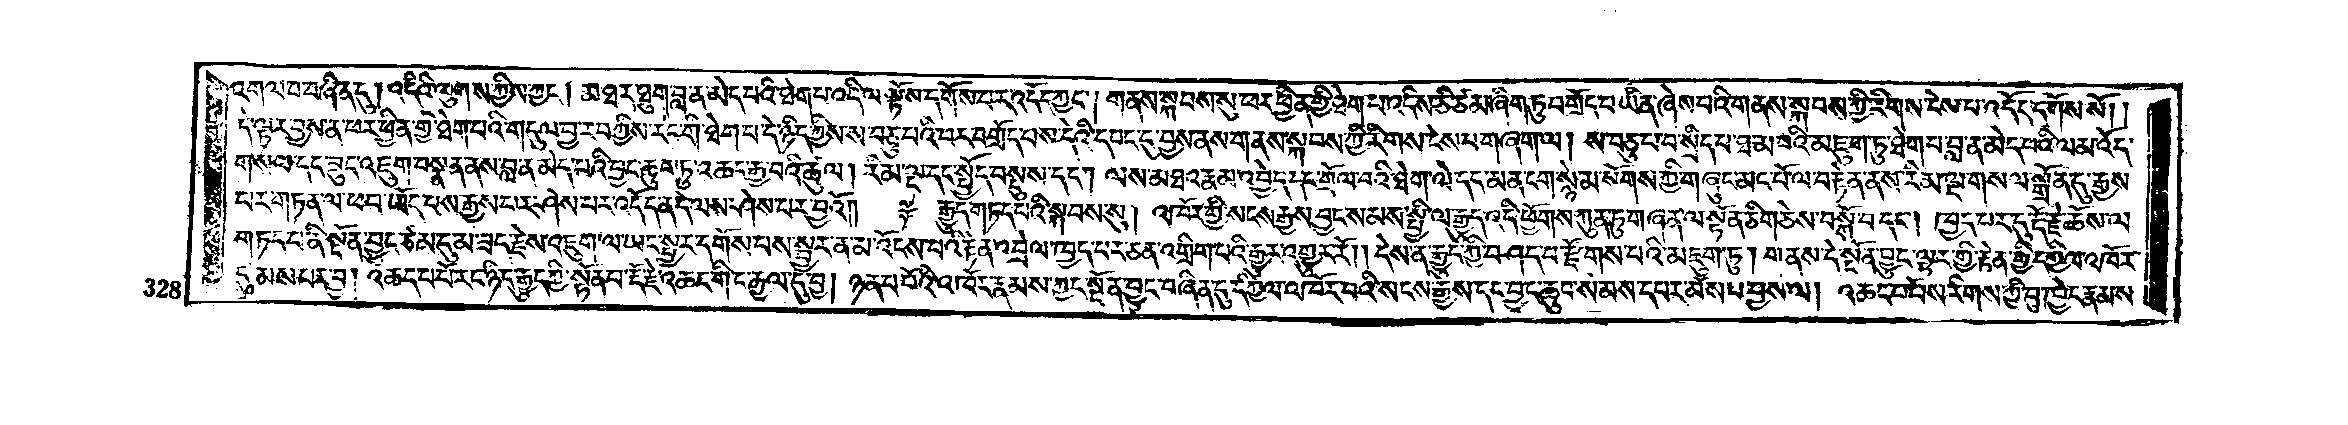འགལ་བ་བཞིན་དུ། འདིའི་ལུགས་ཀྱིས་ཀྱང་། མཐར་ཐུག་བླ་ན་མེད་པའི་ཐེག་པ་འདི་ལ་ལྟོས་དགོས་པར་འདོད་ཀྱང་། གནས་སྐབས་སུ་ཕར་ཕྱིན་གྱི་ཐེག་པ་འདིས་ཅི་ཙམ་ཞིག་ཏུ་བགྲོད་པ་ཡིན་ཞེས་པའི་གནས་སྐབས་ཀྱི་རིགས་ངེས་པ་འདོད་དགོས་སོ། །
དེ་ལྟར་བྱས་ན་ཕར་ཕྱིན་གྱི་ཐེག་པའི་གདུལ་བྱ་རབ་ཀྱིས་རང་གི་ཐེག་པ་དེ་ཉིད་ཀྱིས་ས་བཅུ་པའི་བར་བགྲོད་པས་དེའི་དབང་དུ་བྱས་ནས་གནས་སྐབས་ཀྱི་རིགས་ངེས་པ་གཞག་ལ། ས་བཅུ་པ་བ་སྲིད་པ་ཐ་མ་པའི་མཇུག་ཏུ་ཐེག་པ་བླ་ན་མེད་པའི་ལམ་འོད་
གསལ་དང་ཟུང་འཇུག་བསྣན་ནས་བླ་ན་མེད་པའི་བྱང་ཆུབ་ཏུ་འཚང་རྒྱ་བའི་ཚུལ། རིམ་ལྔ་དང་སྤྱོད་བསྡུས་དང་། ལས་མཐའ་རྣམ་འབྱེད་དང་གྲོལ་བའི་ཐེག་ལེ་དང་མན་ངག་སྙེ་མ་སོགས་ཀྱི་གཞུང་མང་པོ་ལ་བརྟེན་ནས་རིམ་ལྔ་གསལ་སྒྲོན་དུ་རྒྱས་
པར་གཏན་ལ་ཕབ་ཡོད་པས་རྒྱས་པར་ཤས་པར་འདོད་ན་དེ་ལས་ཤེས་པར་བྱའོ།། ༈ རྒྱུད་གཏད་པའི་སྐབས་སུ། འཁོར་གྱི་སངས་རྒྱས་བྱང་སེམས་སྤྱི་ལ་རྒྱུད་འདི་ཕྱོགས་ཀུན་ཏུ་གཞན་ལ་སྟོན་ཅིག་ཅེས་བསྒོ་བ་དང་། ཁྱད་པར་དུ་རྡོ་རྗེ་ཆོས་ལ་
གཏད་པ་ནི་སྔོན་བྱུང་ཙམ་དུ་མ་ཟད་རྗེས་འཇུག་ལ་ཡང་སྦྱར་དགོས་པས་སྦྱར་ན་མ་འོངས་པའི་རྟེན་འབྲེལ་ཁྱད་པར་ཅན་འགྲིག་པའི་རྒྱུར་འགྱུར་རོ། །དེས་ན་རྒྱུད་ཀྱི་བཤད་པ་རྫོགས་པའི་མཇུག་ཏུ། གནས་དེ་སྔོན་བྱུང་ལྟར་གྱི་རྟེན་གྱི་དཀྱིལ་འཁོར་
དུ་མོས་པར་བྱ། འཆད་པ་པོ་རང་ཉིད་རྒྱུད་ཀྱི་སྟོན་པ་རྡོ་རྗེ་འཆང་གི་ང་རྒྱལ་དུ་བྱ། ཉན་པ་པོའི་འཁོར་རྣམས་ཀྱང་སྔོན་བྱུང་བཞིན་དུ་དཀྱིལ་འཁོར་པའི་སངས་རྒྱས་དང་བྱང་ཆུབ་སེམས་དཔར་མོས་པ་བྱས་ལ། འཆད་པ་པོས་རིགས་ཀྱི་བུ་ཁྱེད་རྣམས་